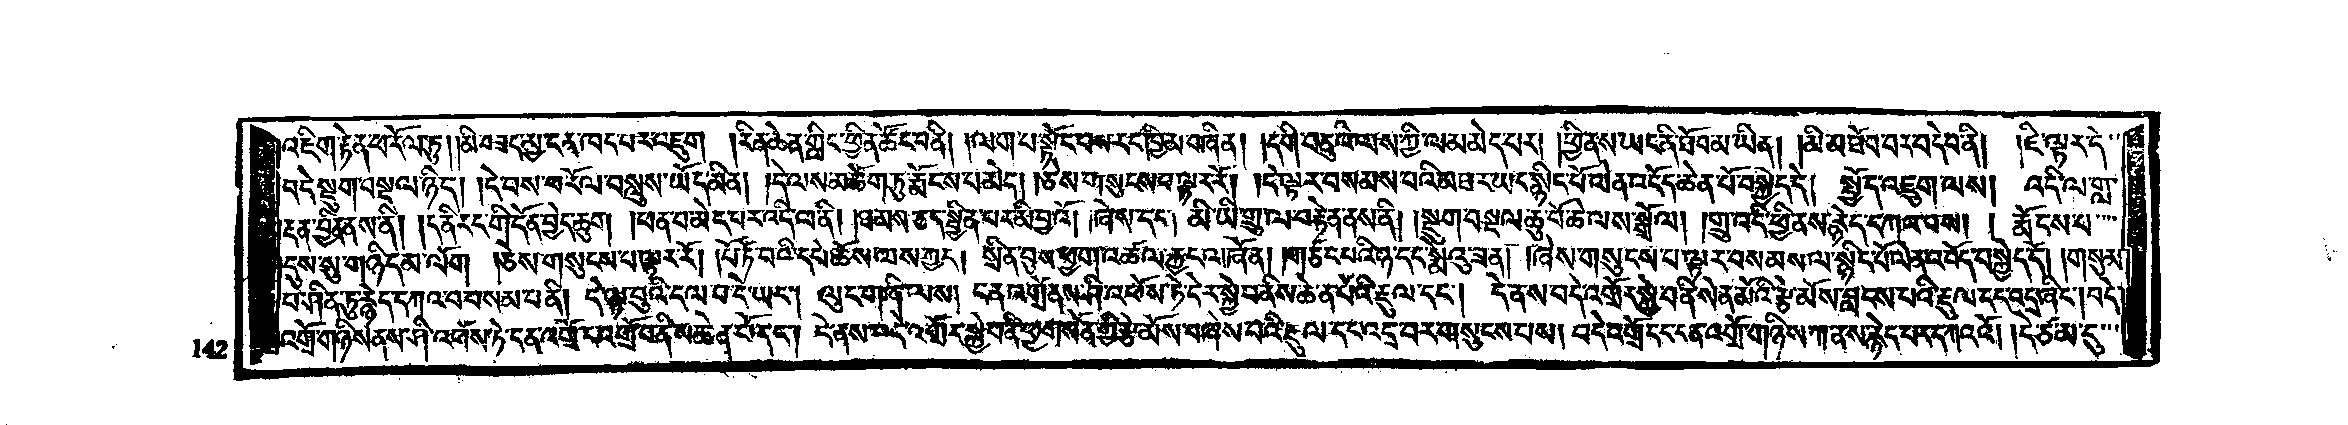འཇིག་རྟེན་ཕ་རོལ་ཏུ། །མི་བཟད་མྱ་ངན་ཁད་པར་འཇུག །རིན་ཆེན་གླིང་ཕྱིན་ཚོང་བ་ནི། །ལག་པ་སྟོང་པས་རང་ཁྱིམ་བཞིན། །དགི་བཅུའི་ལས་ཀྱི་ལམ་མེད་པར། །ཕྱི་ནས་ཡང་ནི་ཐོབ་མ་ཡིན། །མི་མ་ཐོབ་བར་བདེ་བ་ནི། །ཇི་ལྟར་དེ་
བདེ་སྡུག་བསྔལ་ཉིད། །དེ་བས་ཕ་རོལ་བསླུས་ཡོད་མིན། །དེ་ལས་མཆོག་ཏུ་རྨོངས་པ་མེད། །ཅེས་གསུངས་པ་ལྟར་རོ། །དེ་ལྟར་བསམས་པའི་མཐར་ཡང་སྙིང་པོ་ལེན་འདོད་ཆེན་པོ་བསྐྱེད་དེ། སྤྱོད་འཇུག་ལས། འདི་ལ་གླ་
རྡན་བྱིན་ནས་ནི། །ད་ནི་རང་གི་དོན་བྱེད་ཆུག །ཕན་པ་མེད་པར་འདི་ལ་ནི། །ཐམས་ཅད་སྦྱིན་པར་མི་བྱའོ། །ཞེས་དང་། མི་ཡི་གྲུ་ལ་བརྟེན་ནས་ནི། །སྡུག་བསྔལ་ཆུ་བོ་ཆེ་ལས་སྒྲོལ། །གྲུ་འདི་ཕྱི་ནས་རྙེད་དཀའ་བས། །རྨོངས་པ་
དུས་སུ་གཉིད་མ་ལོག །ཅེས་གསུངས་པ་ལྟར་རོ། །པོ་ཏོ་བའི་དཔེ་ཆོས་ལས་ཀྱང་། སྲིན་བུས་ཕྱག་འཚལ་རྐྱང་ལ་ཞོན། །གཙང་པའི་ཉ་དང་སྨེའུ་ཟན། །ཞེས་གསུངས་པ་ལྟར་བསམས་ལ་སྙིང་པོ་ལེན་འདོད་བསྐྱེད་དོ། །གསུམ་
པ་ཤིན་ཏུ་རྙེད་དཀའ་བ་བསམ་པ་ནི། དེ་ལྟ་བུའི་དལ་བ་དེ་ཡང་། ལུང་གཞི་ལས། ངན་འགྲོ་ནས་ཤི་འཕོས་ཏེ་དེར་སྐྱེ་བ་ནི་ས་ཆེན་པོའི་རྡུལ་དང་། དེ་ནས་བདེ་འགྲོར་སྐྱེ་བ་ནི་སེན་མོའི་རྩེ་མོས་བླངས་པའི་རྡུལ་དང་འདྲ་ཞིང་། བདེ་
འགྲོ་གཉིས་ནས་ཤི་འཕོས་ཏེ་ངན་འགྲོར་འགྲོ་བ་ནི་ས་ཆེན་པོ་དང་། དེ་ནས་བདེ་འགྲོར་སྐྱེ་བ་ནི་ཕྱག་སེན་གྱི་རྩེ་མོས་བཞེས་པའི་རྡུལ་དང་འདྲ་བར་གསུངས་པས། བདེ་འགྲོ་དང་ངན་འགྲོ་གཉིས་ཀ་ནས་རྙེད་པར་དཀའ་འོ། །དེ་ཙམ་དུ་